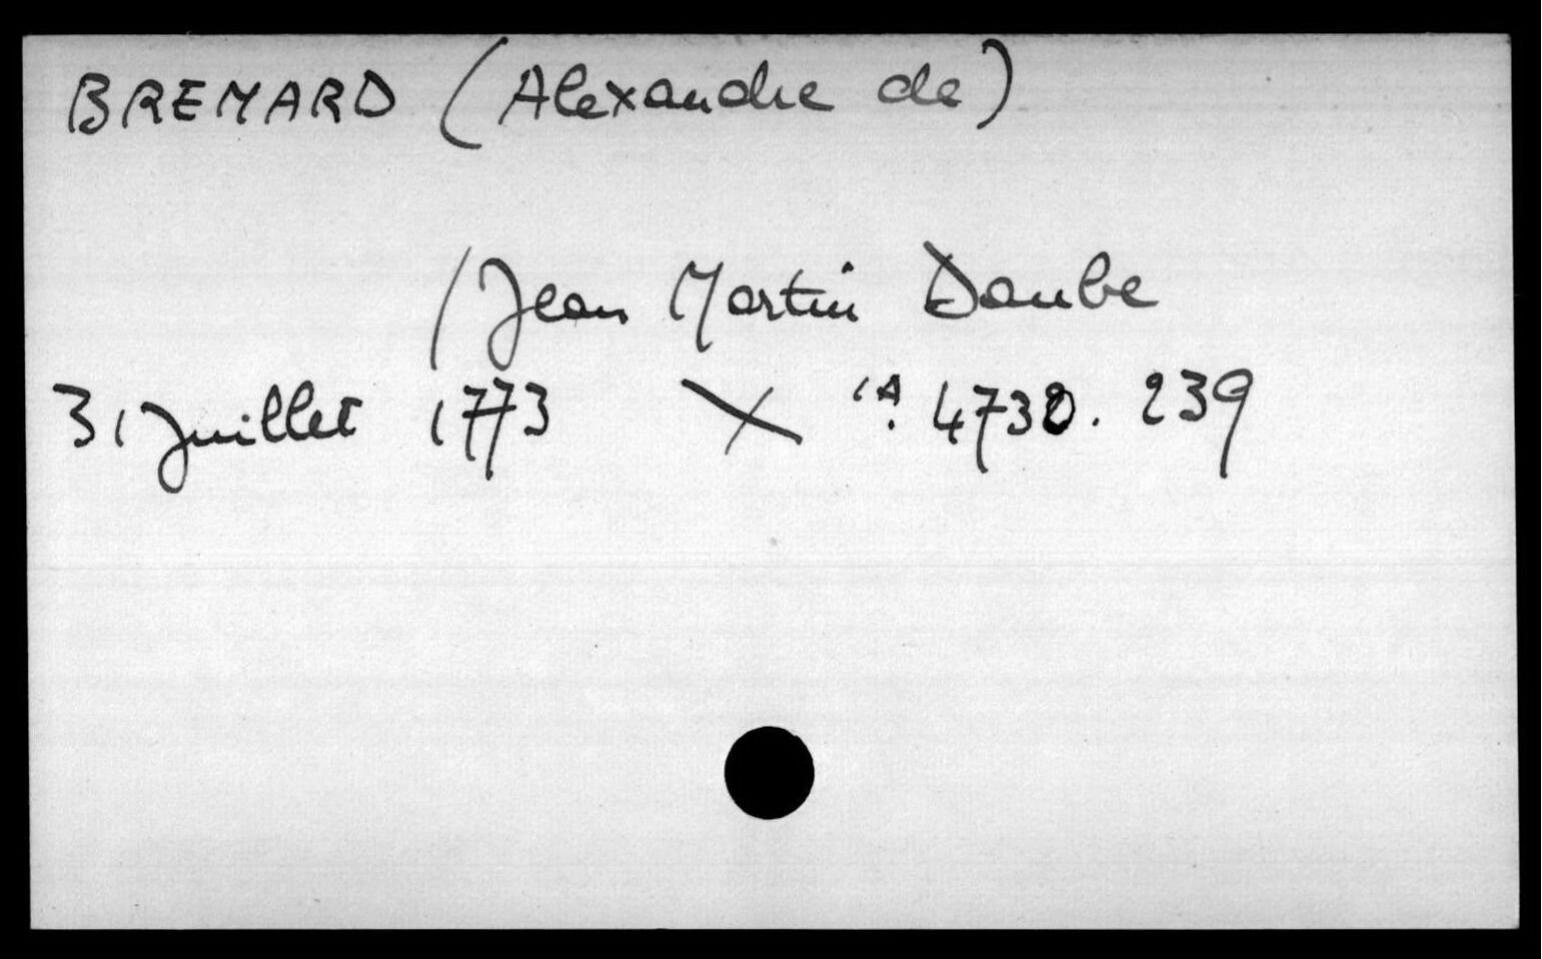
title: BREMARD (Alexandre de)
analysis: Contre Jean Martin Daube
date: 31 juillet 1773
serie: X1A
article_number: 4730
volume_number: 239
